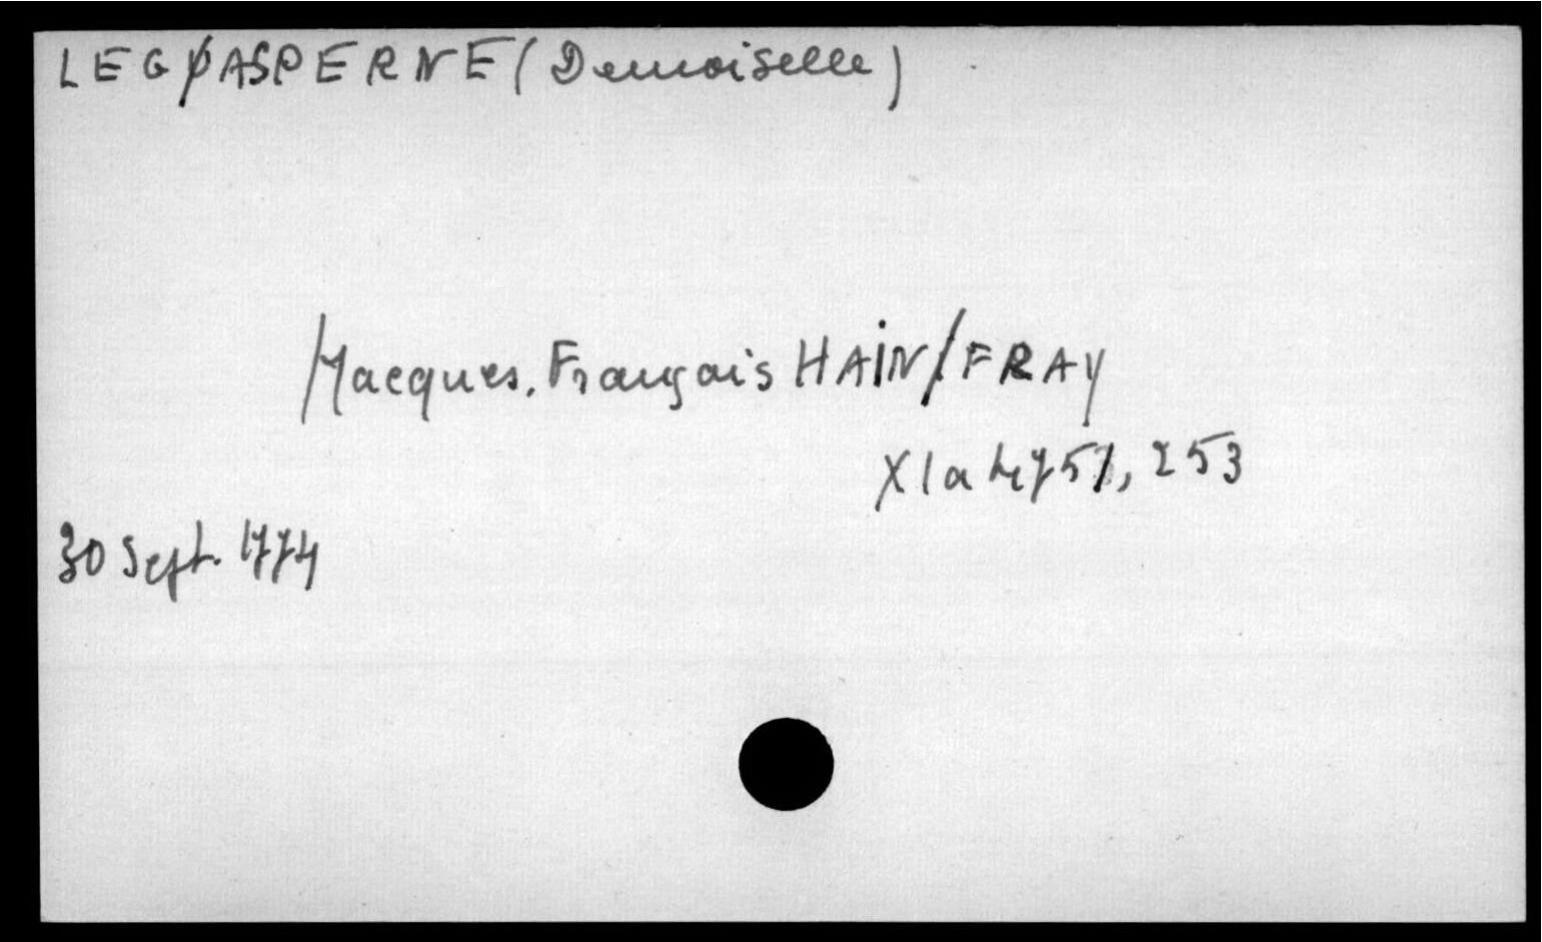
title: LEGASPERNE (Demoiselle)
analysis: Contre Jacques, François HAIN/FRAY
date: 30 septembre 1774
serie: X1a
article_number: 4751
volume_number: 253
